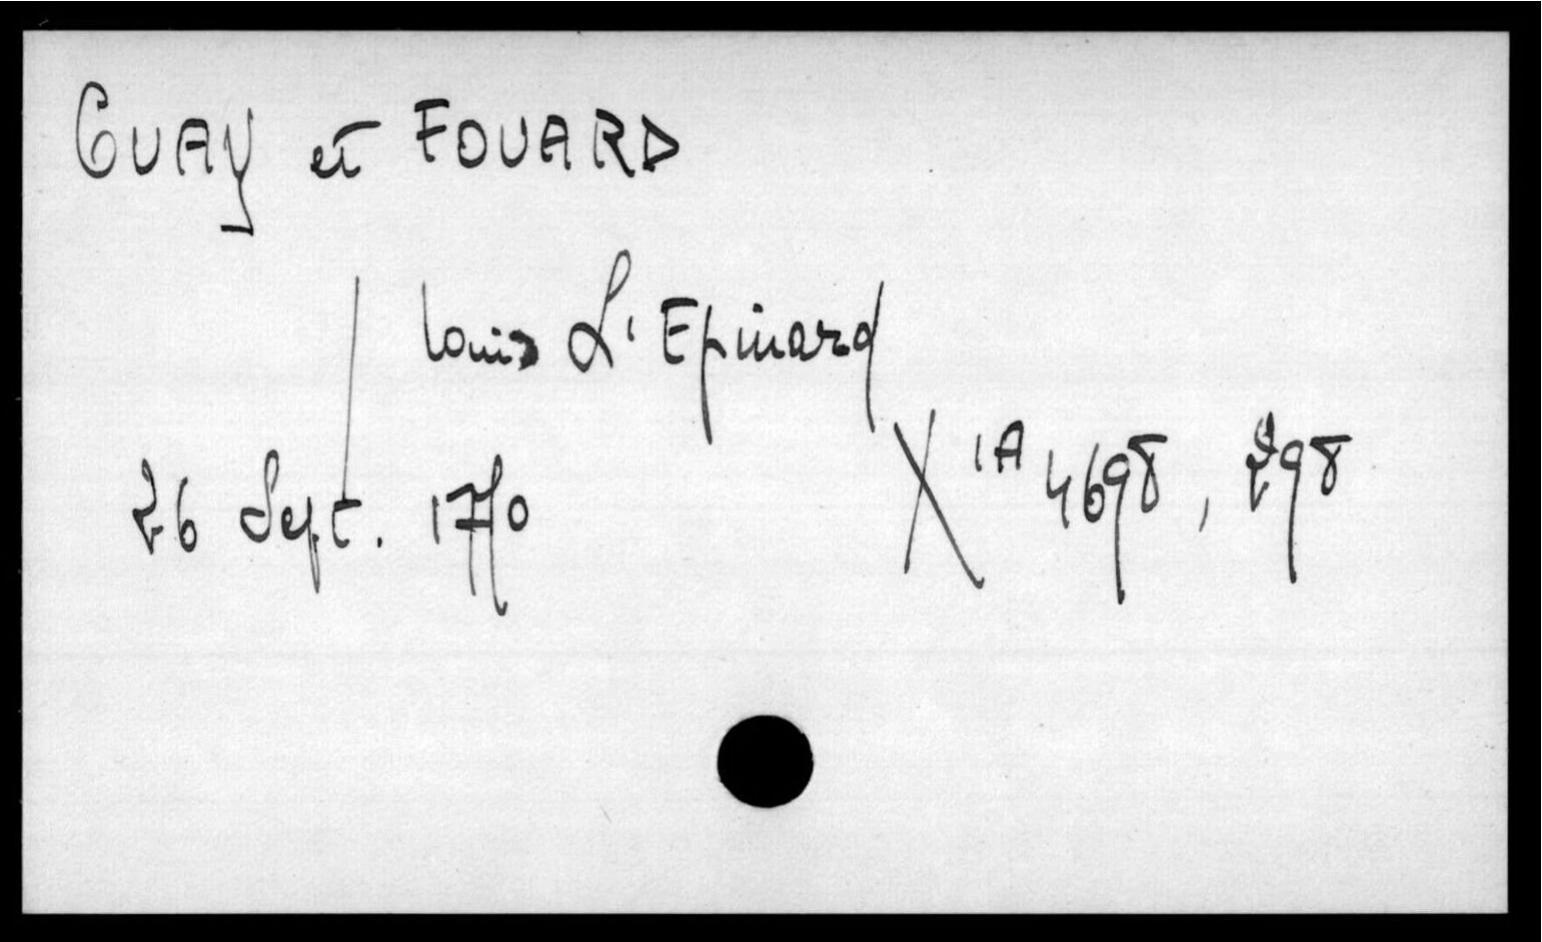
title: GUAY et FOUARD
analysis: Contre Louis L'Epinard
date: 26 septembre 1770
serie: X1A
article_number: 4698
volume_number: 298
